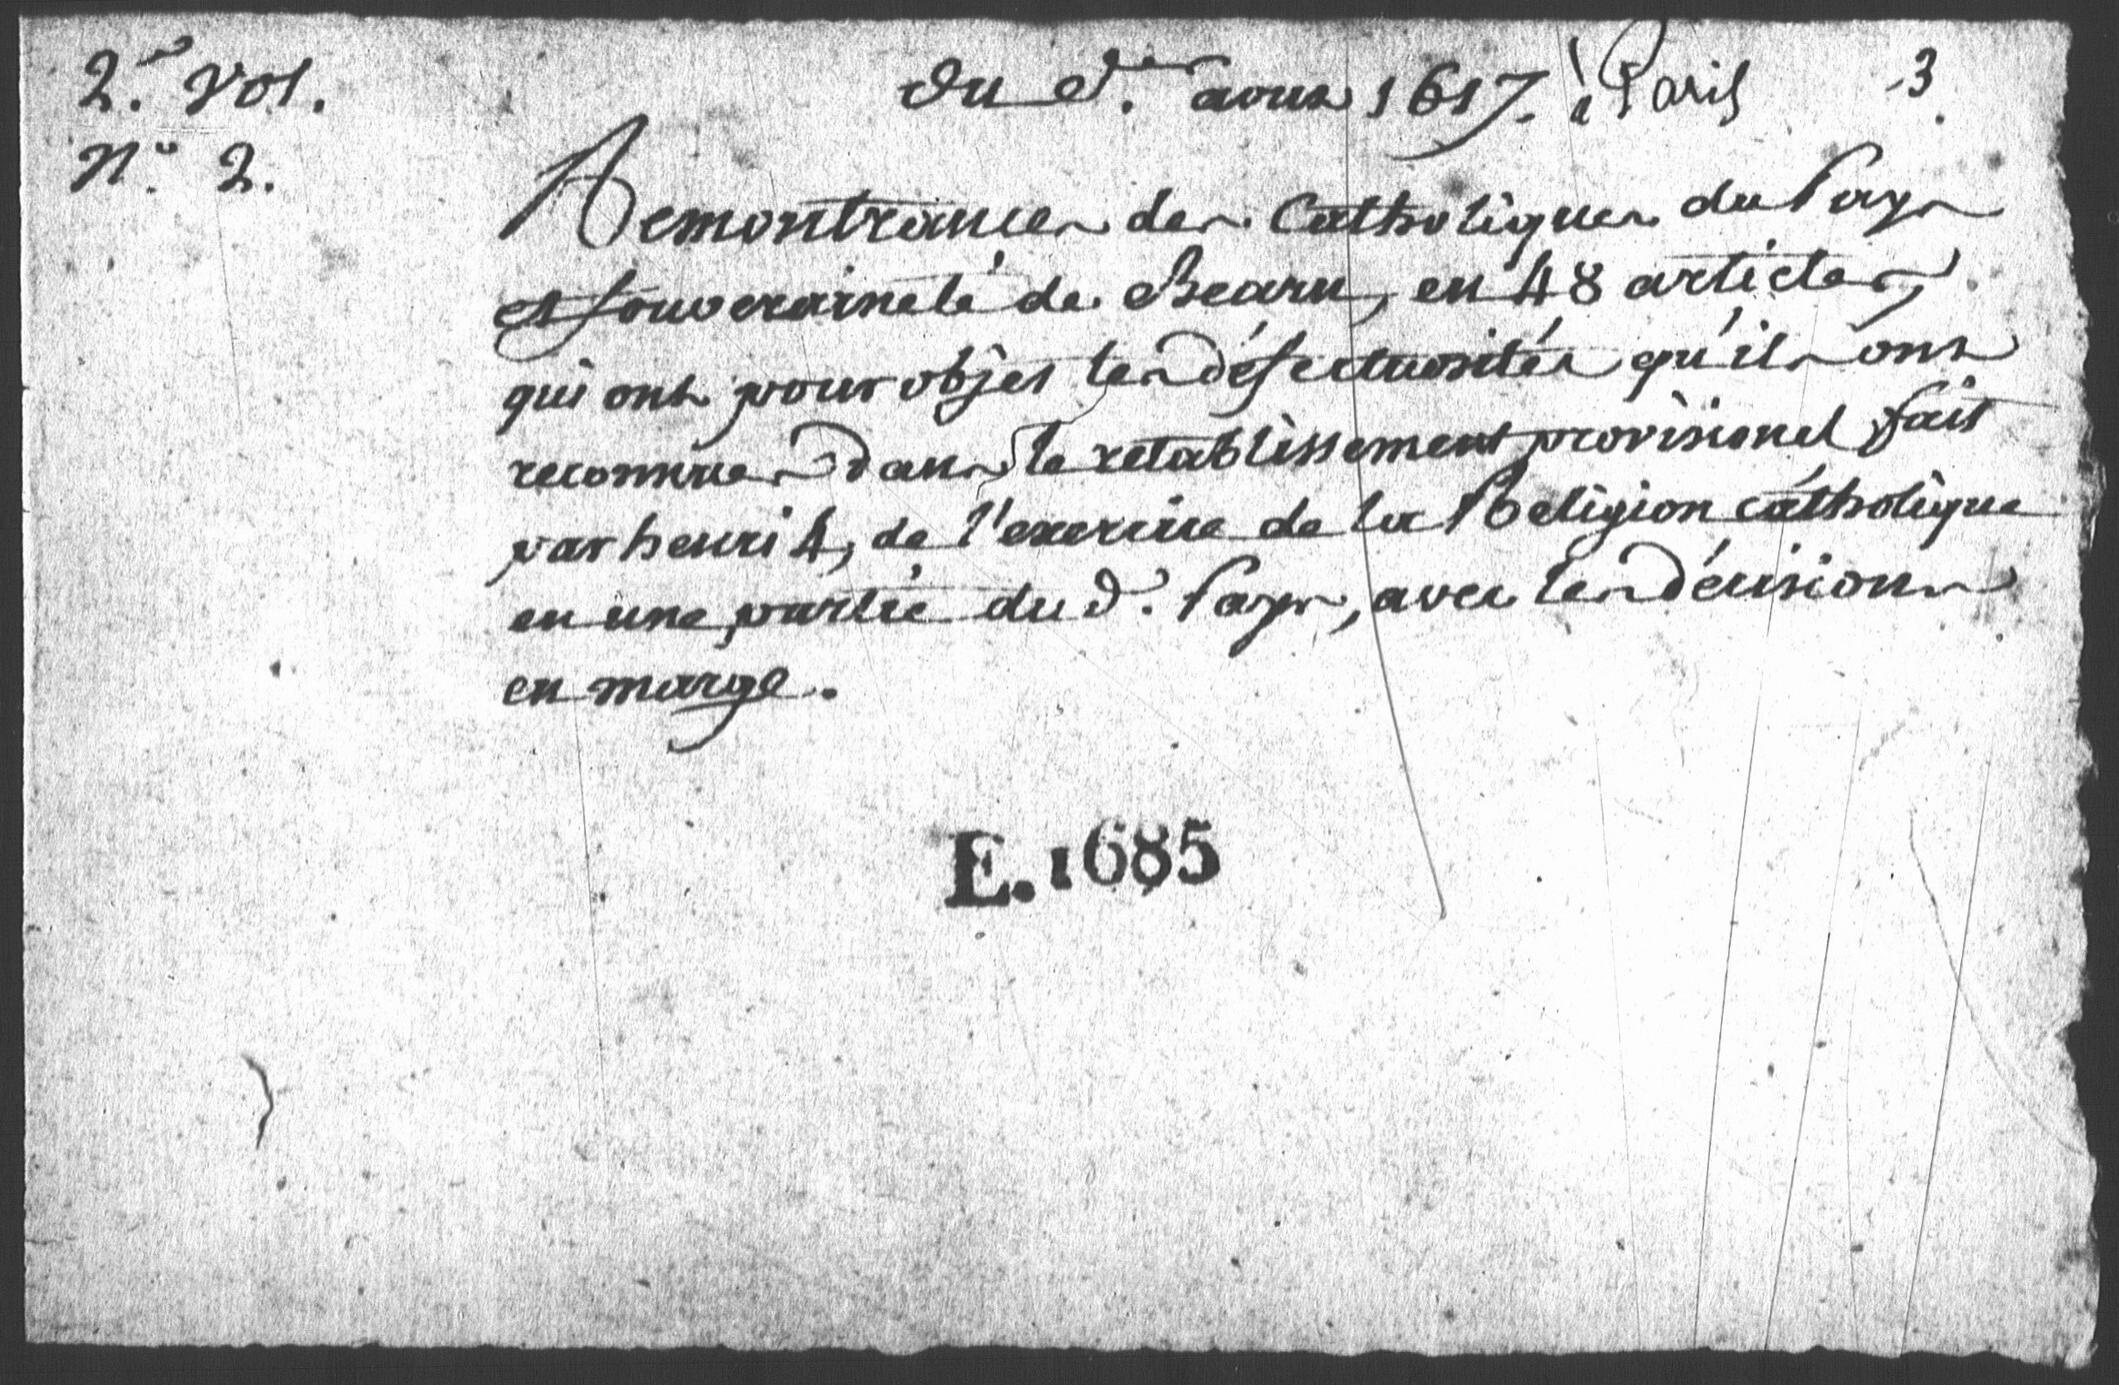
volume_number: n°2
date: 31 août 1617
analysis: à Paris 3
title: Remontrances des catholiques du Pays et souveraineté de Bearn, en 48 articles, qui ont pour objet les défectuosités qu'ils ont reconnues dans le retablissement provisionel fait par henri 4, de l'exercice de la Religion catholique en une partie dud. Pays, avec les décisions en marge.
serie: E
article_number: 1685
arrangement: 2e vol.
